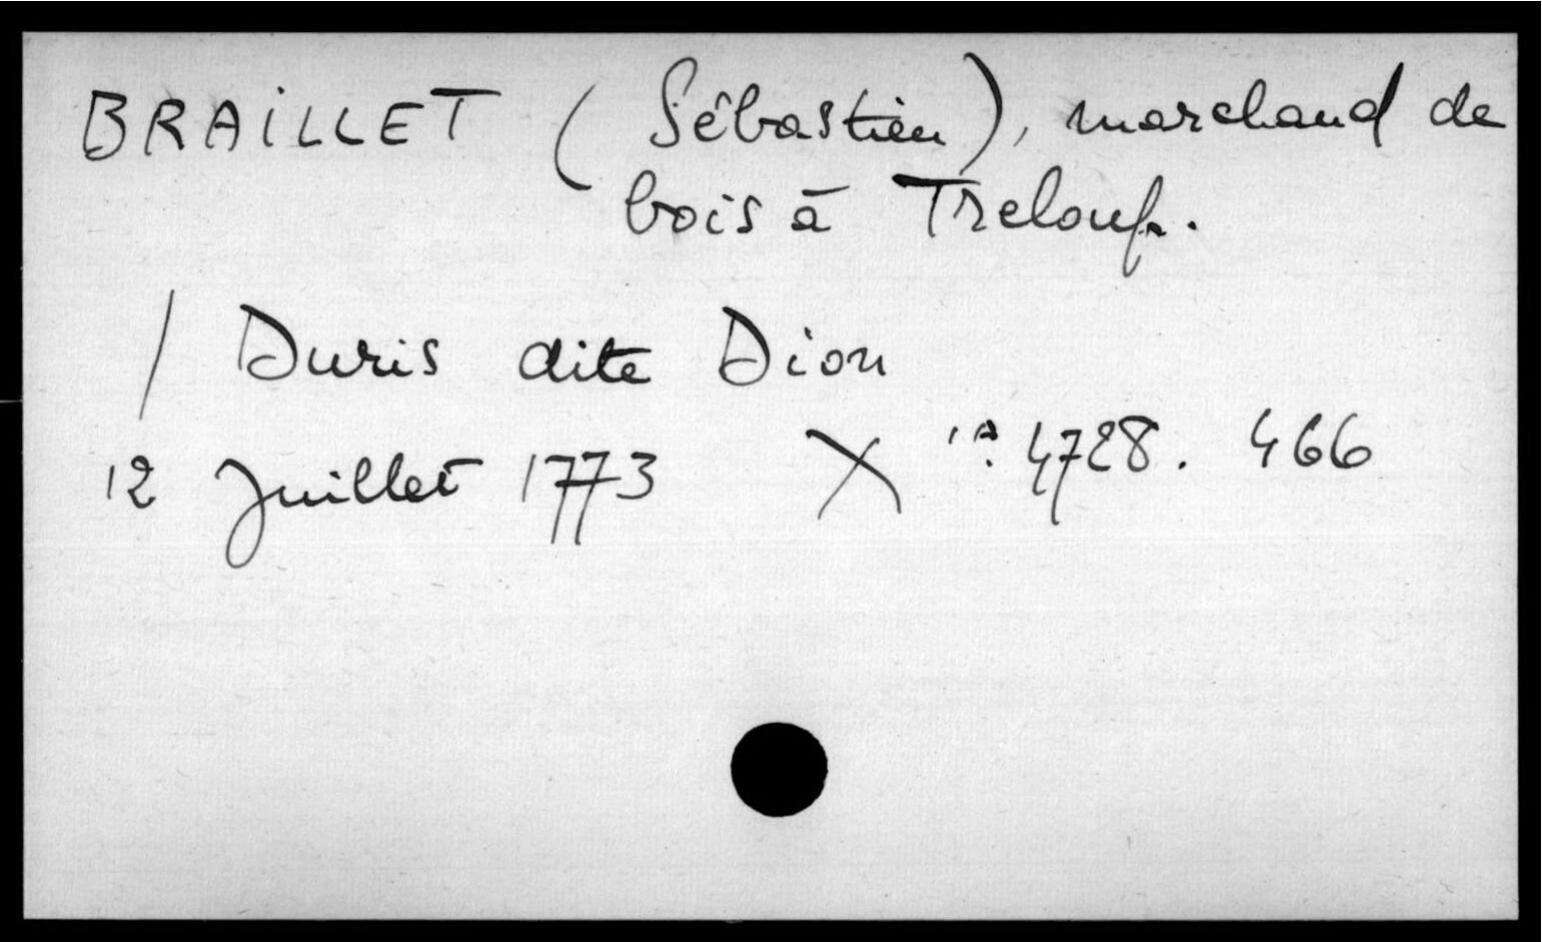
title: BRAILLET (Sébastien), marchand de bois à Trelon
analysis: Contre Duris dite Dion
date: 12 juillet 1773
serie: X1A
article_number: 4728
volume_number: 466
